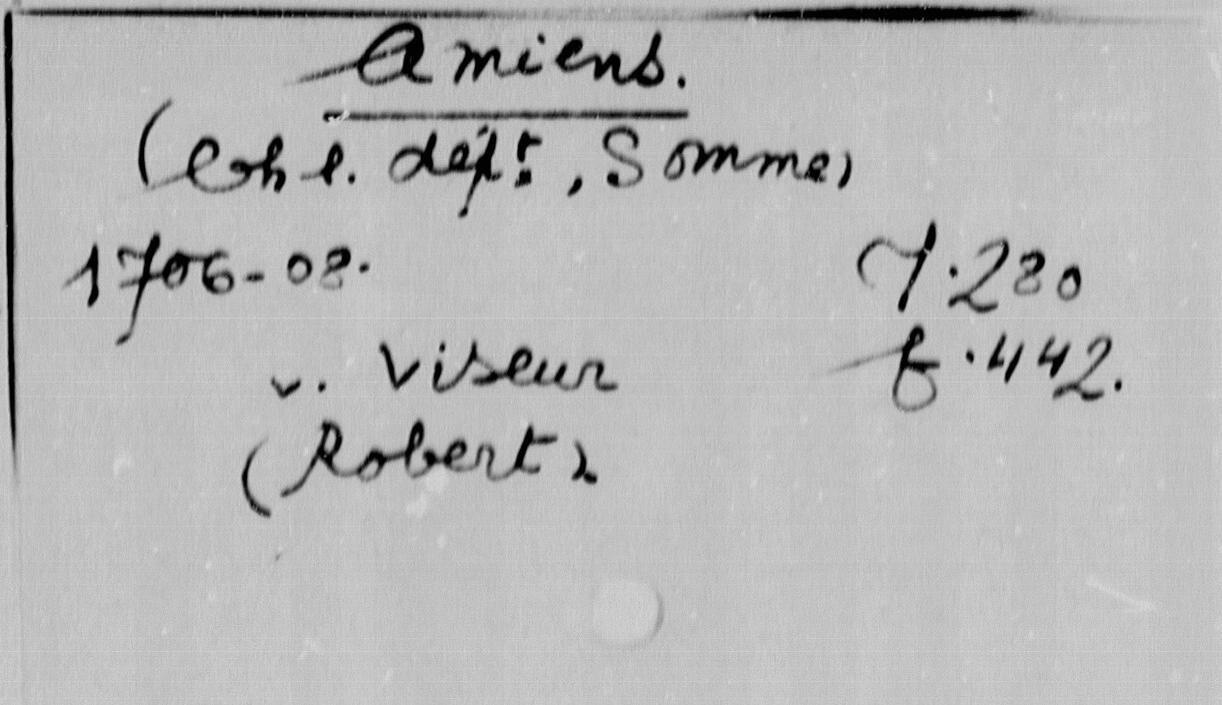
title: AMIENS (chef-lieu de département, département de la Somme)
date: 1706-1708
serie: Y
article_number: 280
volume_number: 442
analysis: Voir VISEUR (Robert)
